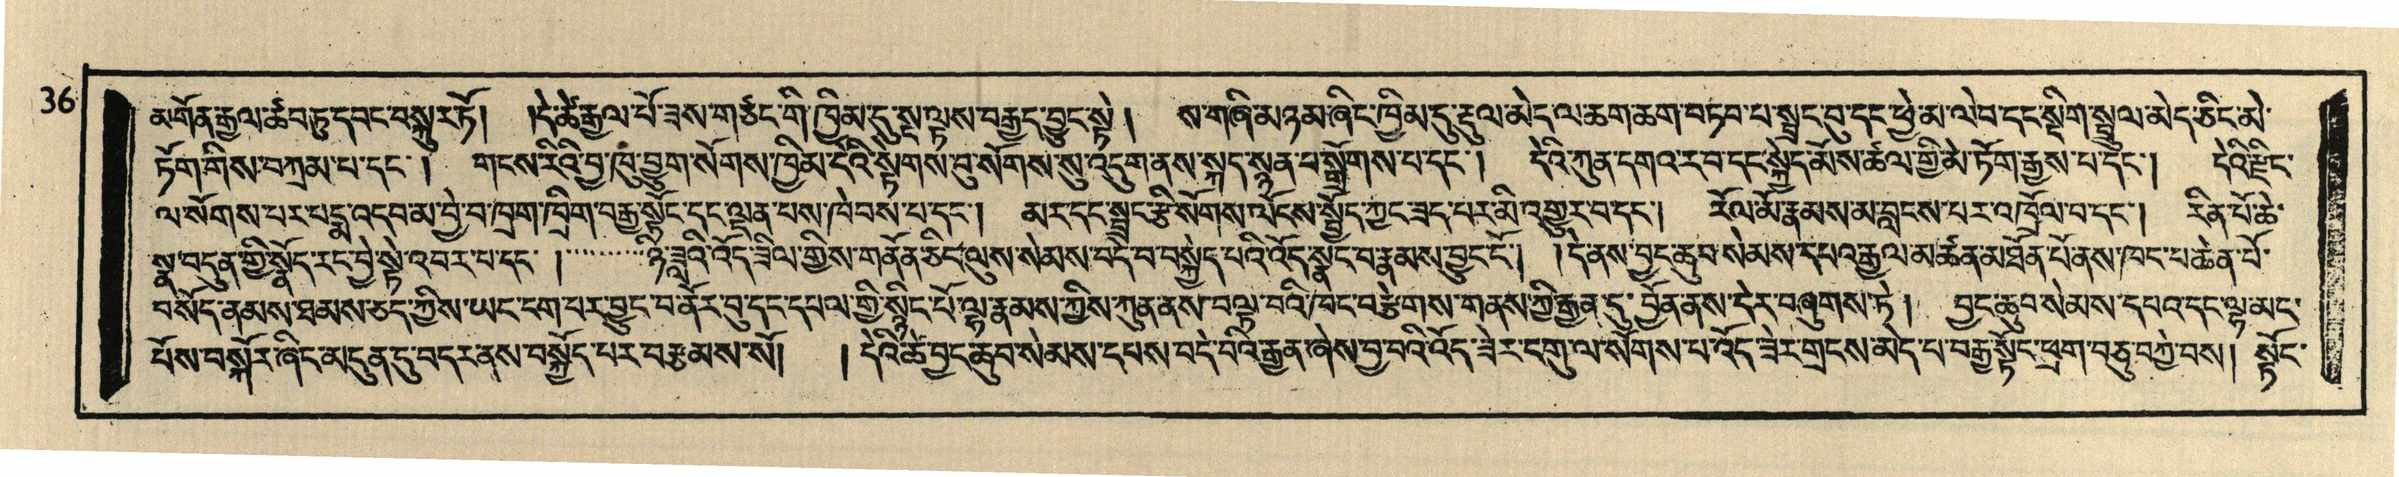མགོན་རྒྱལ་ཚབ་ཏུ་དབང་བསྐུར་ཏོ། །དེ་ཚེ་རྒྱལ་པོ་ཟས་གཙང་གི་ཁྱིམ་དུ་སྔ་ལྟས་བརྒྱད་བྱུང་སྟེ། ས་གཞི་མཉམ་ཞིང་ཁྱིམ་དུ་རྡུལ་མེད་ལ་ཆག་ཆག་བཏབ་པ་སྦྲང་བུ་དང་ཕྱེ་མ་ལེབ་དང་སྡིག་སྤྲུལ་མེད་ཅིང་མེ་
ཏོག་གིས་བཀྲམ་པ་དང་། གངས་རིའི་བྱ་ཁུ་བྱུང་སོགས་ཁྱིམ་དེའི་སྟེགས་བུ་སོགས་སུ་འདུག་ནས་སྐད་སྙན་པ་སྒྲོགས་པ་དང་། དེའི་ཀུན་དགའ་རབ་དང་སྐྱེད་མོས་ཚལ་གྱི་མེ་ཏོག་རྒྱས་པ་དང་། དེའི་རྫིང་
ལ་སོགས་པར་པདམ་འདབ་མ་བྱེ་བ་ཁྲག་ཁྲིག་བརྒྱ་སྟོང་དང་ལྡན་པས་ཁེབས་པ་དང་། མར་དང་སྦྲང་རྩི་སོགས་ལོངས་སྤྱོད་ཀྱང་ཟད་པར་མི་འགྱུར་བ་དང་། རོལ་མོ་རྣམས་མ་བླངས་པར་འཁྲོལ་བ་དང་། རིན་པོ་ཆེ་
སྣ་བདུན་གྱི་སྣོད་རང་བྱེ་སྟེ་འབར་པ་དང་། ཉི་ཟླའི་འོད་ཟིལ་གྱིས་གནོན་ཅིང་ལུས་སེམས་བདེ་བ་བསྐྱེད་པའི་འོད་སྣང་བ་རྣམས་བྱུང་ངོ། །དེ་ནས་བྱང་ཆུབ་སེམས་དཔའ་རྒྱལ་མཚན་མཐོན་པོ་ནས་ཁང་པ་ཆེན་པོ་
བསོད་ནམས་ཐམས་ཅད་ཀྱིས་ཡང་ངག་པར་བྱུང་བ་ནོར་བུ་དང་དཔལ་གྱི་སྙིང་པོ་ལྷ་རྣམས་ཀྱིས་ཀུན་ནས་བལྟ་བའི་ཁང་བརྩེགས་གནས་ཀྱི་རྒྱན་དུ་བྱོན་ནས་དེར་བཞུགས་ཏེ། བྱང་ཆུབ་སེམས་དཔའ་དང་ལྷ་མང་
པོས་བསྐོར་ཞིང་མདུན་དུ་བདར་ནས་བསྐྱོད་པར་བརྩམས་སོ། །དེའི་ཚེ་བྱང་ཆུབ་སེམས་དཔས་བདེ་བའི་རྒྱན་ཞེས་བྱ་བའི་འོད་ཟེར་དགུ་ལ་སོགས་པ་འོད་ཟེར་གྲངས་མེད་པ་བརྒྱ་སྟོང་ཕྲག་བཅུ་བཀྱེ་བས། སྟོང་